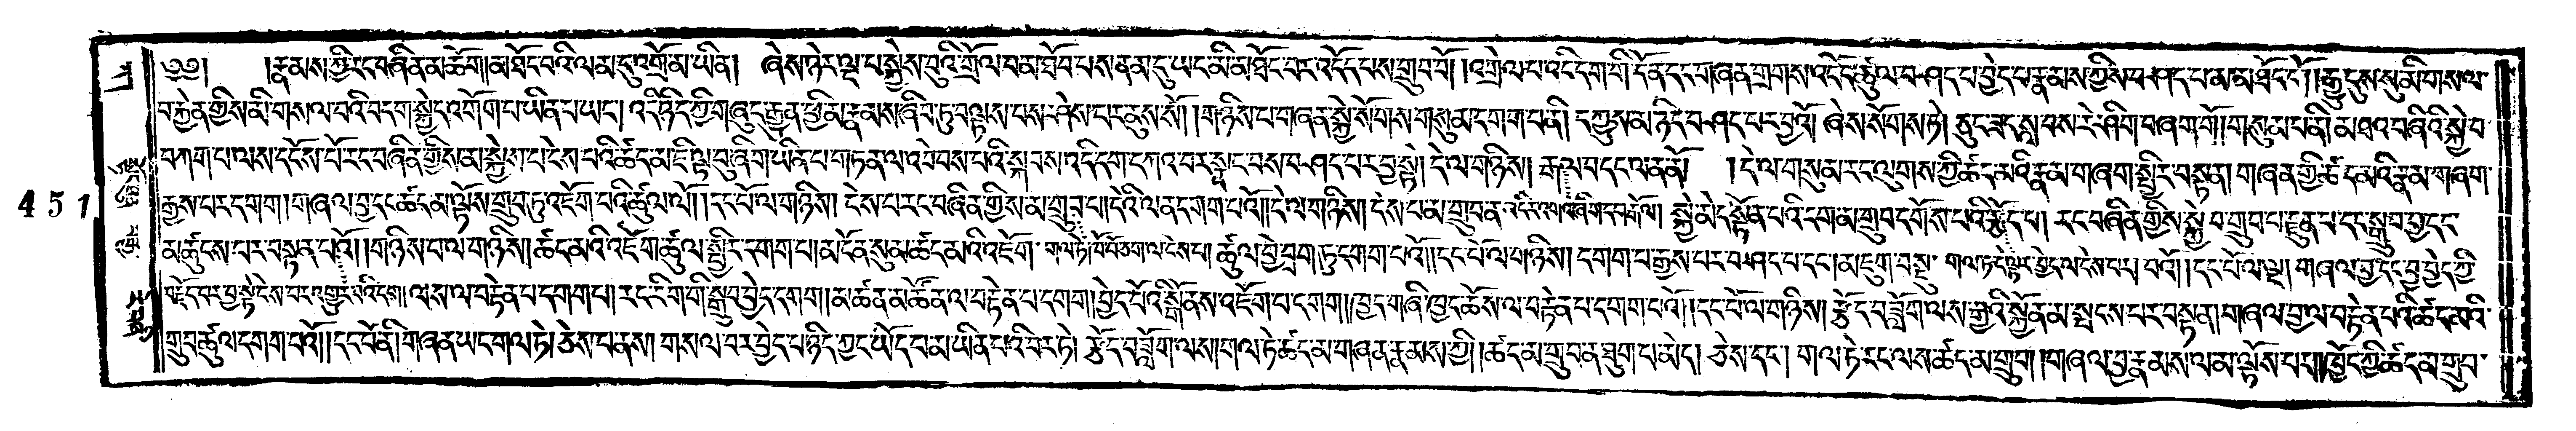༄༅། །རྣམས་ཀྱི་རང་བཞིན་མཆོག། མཐོང་བའི་ལམ་དུ་འགྲོ་མ་ཡིན། ཞེས་ཉེར་ལྔ་པ་སྐྱེས་བུའི་གྲོལ་བ་མ་ཐོབ་པས་ནམ་དུ་ཡང་མི་མཐོང་བར་འདོད་པས་གྲུབ་བོ། །འགྲེལ་པ་འདི་དག་གི་དོན་དང་གཞན་གྲགས་འདོད་ཚུལ་བཤད་པ་བྱེད་པ་རྣམས་ཀྱིས་བཤད་པ་མ་མཐོང་ངོ། །རྒྱུ་དུས་སུ་མི་གསལ་
བ་རྐྱེན་གྱིས་མི་གསལ་བའི་བདག་སྐྱེད་འགོག་པ་ཡིན་པ་ཡང་། འདི་ཉིད་ཀྱི་གཞུང་རྒྱུན་ཕྱི་མ་རྣམས་ཞིབ་ཏུ་བལྟས་པས་ཤེས་པར་ནུས་སོ། །གཉིས་པ་གཞན་སྐྱེ་སོགས་གསུམ་དགག་པ་ནི། དཀྱུས་མ་ཉིད་བཤད་པར་བྱའོ། ཞེས་སོགས་ཏེ། ཅུང་ཟད་སླ་བས་རེ་ཤིག་བཞག་གོ། གསུམ་པ་ནི། མཐའ་བཞིའི་སྐྱེ་བ་
བཀག་པ་ལས་དངོས་པོ་རང་བཞིན་གྱིས་མ་སྐྱེས་པ་ངེས་པའི་ཚད་མ་ཇི་ལྟ་བུ་ཞིག་ཡིན་པ་གཏན་ལ་འབེབས་པའི་སྐབས་འདི་དག་དཀའ་བར་སྣང་བས་བཤད་པར་བྱ་སྟེ། དེ་ལ་གཉིས། རྒལ་བ་དང་ལན་ནོ། །དེ་ལ་གསུམ་རང་ལུགས་ཀྱི་ཚད་མའི་རྣམ་གཞག་སྤྱིར་བསྟན། གཞན་གྱི་ཚད་མའི་རྣམ་གཞག་
རྒྱས་པར་དགག །གཞལ་བྱ་དང་ཚད་མ་ལྟོས་གྲུབ་ཏུ་འཇོག་པའི་ཚུལ་ལོ། །དང་པོ་ལ་གཉིས། ངེས་པ་རང་བཞིན་གྱིས་མ་གྲུབ་པ། དེའི་ལན་དགག་པའོ། །དེ་ལ་གཉིས། དེས་པ་མ་གྲུབ་ན་འདིར་འགའ་ཞིག་དང་རྒོལ།  སྐྱེ་མེད་སྟོན་པའི་དག་མ་གྲུབ་དགོས་པའི་རྩོད་པ། རང་བཞིན་གྱིས་སྐྱེ་བ་གྲུབ་པ་རྫུན་པ་དང་སྒྲུབ་བྱ་དང་
མཚུངས་པར་བསྟན་པའོ། །གཉིས་པ་ལ་གཉིས། ཚད་མའི་འཛེག་ཚུལ་སྤྱིར་དགག་པ། མངོན་སུམ་ཚད་མའི་འཇོག་གལ་ཏེ་ཁོ་བོ་ཅག་ལ་ངེས་པ།  ཚུལ་བྱེ་བྲག་ཏུ་དགག་པའོ། །དང་པོ་ལ་གཉིས། དགག་པ་རྒྱས་པར་བཤད་པ་དང་། མཇུག་བསྡུ་གལ་ཏེ་དེ་ལྟར་བྱེད་ལ་ངེས་པར།  པའོ། །དང་པོ་ལ་ལྔ། གཞལ་བྱ་དང་བྱ་བྱེད་ཀྱི་
བརྗོད་བར་བྱ་སྟེ་ངེས་པར་འགྱུར་བའི་དག།  ལས་ལ་བརྟེན་པ་དགག་པ། རང་རིག་གི་སྒྲུབ་བྱེད་དགག། མཚན་མཚོན་ལ་བརྟེན་པ་དགག། བྱེད་པོའི་སྒོ་ནས་འཇོག་པ་དགག། ཁྱད་གཞི་ཁྱད་ཆོས་ལ་བརྟེན་པ་དགག་པའོ། །དང་པོ་ལ་གཉིས། རྩོད་བཟློག་ལས་རྒྱའི་སྐྱོན་མ་སྤངས་པར་བསྟན། གཞལ་བྱ་ལ་བརྟེན་པའི་ཚད་མའི་
གྲུབ་ཚུལ་དགག་པའོ། །དང་པོ་ནི། གཞན་ཡང་གལ་ཏེ། ཅེས་པ་ནས། གསལ་བར་བྱེད་པ་ཉིད་ཀྱང་ཡོད་པ་མ་ཡིན་པའི་བར་ཏེ། རྩོད་བཟློག་ལས། གལ་ཏེ་ཚད་མ་གཞན་རྣམས་ཀྱི། །ཚད་མ་གྲུབ་ན་ཐུག་པ་མེད། ཅེས་དང་། གལ་ཏེ་རང་ལས་ཚད་མ་གྲུབ། །གཞལ་བྱ་རྣམས་ལ་མ་ལྟོས་པར། །ཁྱོད་ཀྱི་ཚད་མ་གྲུབ་